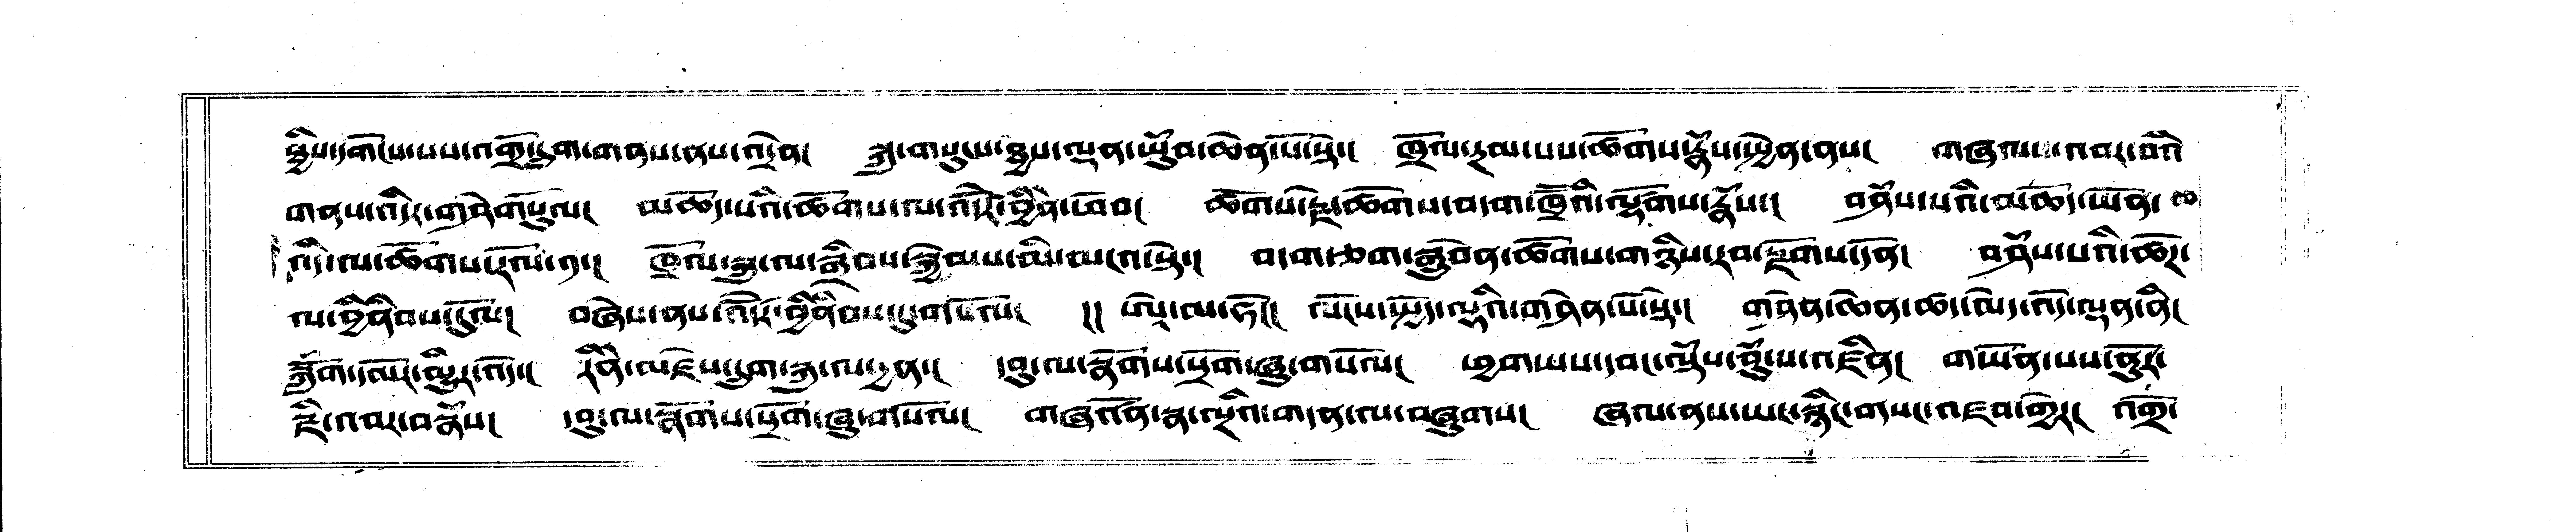ཐུགས་ཀྱི་དགོངས་པས་འགྲོ་དྲུག་གནས་ནས་འདྲེན། སྐུ་གསུང་ཐུགས་ལྡན་ཡབ་ཡུམ་ཆེན་པོ་སྟེ། ཁྲོ་རྒྱལ་རྔམ་པས་ཚོགས་རྣམས་སྤྱན་འདྲེན་ནས། གཞལ་ཡས་འབར་བའི་
གནས་འདིར་གཤེགས་སུ་གསོལ། མཆོད་པའི་ཚོགས་ལ་འོད་ཟེར་བྱིན་ཆེན་ཕོབ། ཚོགས་རྗེ་ཚོགས་བདག་ཁྲོ་བོའི་ལྷ་ཚོགས་རྣམས། བཤམས་པའི་མཆོད་ཡོན་
འདི་ལ་ཚོགས་རོལ་གཅིག ཁྲོ་རྒྱལ་སྐུ་ལ་སྒྲིབས་སྐྱེམས་མི་མངའ་སྟེ། བདག་ཅག་སྒྲུབ་གཤེན་ཚོགས་གཉིས་རབ་རྫོགས་དོན། བཤམས་པའི་ཚོགས་
ལ་བྱིན་གྱིས་རླབས་དུ་གསོལ། བཞེས་ནས་འོད་ཟེར་བྱིན་གྱིས་བརླབ་ཏུ་གསོལ། །།ཨེ་མ་ཧོ།། ལོངས་སྤྱོད་ལྷའི་གཤེན་པོ་སྟེ། གཤེན་ཆེན་ཚད་མེད་འོད་ལྡན་ནི། 
སྐུ་མདོག་དམར་པོ་མི་འགྱུར་འོད། རིན་ཆེན་མཛེས་དྲུག་སྐུ་ལ་རྒྱན། དབུ་ལ་སྣ་ཚོགས་པྲོག་ཞུ་གསོལ། ཕྱག་གཡས་དབང་ལྟམས་བུམ་པ་འཛིན། གཡོན་པས་ནོར་བུ་
རྫི་འབར་བསྣམས། དབུ་ལ་སྣ་ཚོགས་པྲོག་ཞུ་གསོལ། གཞའ་ཚོན་སྣ་ལྔའི་གདན་ལ་བཞུགས། ཞལ་ནས་ཡང་སྙིང་གསང་འཛབ་གྱེར། འགྲོ་